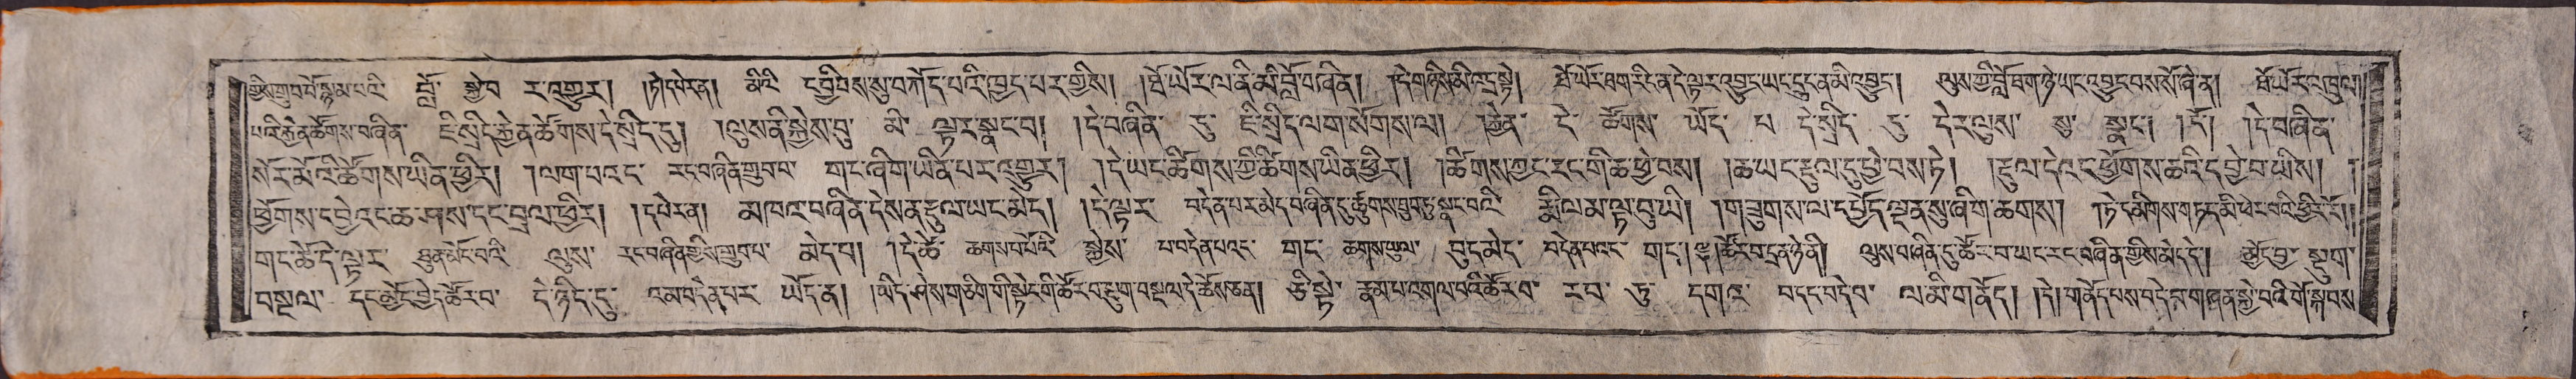གྱིས་གྲུབ་བེ་སྙམ་པའི་བློ་སྐྱེ་བར་འགྱུར། །ཏེ། དཔེར་ན། མིའི་དབྱིབས་སུ་བཀོད་པའི་ཁྱད་པར་གྱིས། །ཐོ་ཡོར་ལ་ནི་མི་བློ་བཞིན། །དེ་གཉིས་མི་འདྲ་སྟེ། ཐོ་ཡོར་ཐག་རིང་ན་དེ་ལྟར་འབྱུང་ཡང་དྲུང་ན་མི་འབྱུང་། ལུས་ཀྱི་བློ་ཐག་ཉེ་ཡང་འབྱུང་བས་སོ་ཞེ་ན། ཐོ་ཡོར་འཁྲུལ་
བའི་རྐྱེན་ཚོགས་བཞིན་ཇི་སྲིད་རྐྱེན་ཚོགས་དེ་སྲིད་དུ། །ལུས་ནི་སྐྱེས་བུ་མི་ལྟར་སྣང་བ། །དེ་བཞིན་དུ་ཇི་སྲིད་ལག་སོགས་ལ། །རྐྱེན་དེ་ཚོགས་ཡོད་པ་དེ་སྲིད་དུ་དར་ལུས་སུ་སྣང་། །ངོ། །དེ་བཞིན་
སོར་མོའི་ཚོགས་ཡིན་ཕྱིར། །ལག་པའང་རང་བཞིན་གྲུབ་པ་གང་ཞིག་ཡིན་པར་འགྱུར། །དེ་ཡང་ཚིགས་ཀྱི་ཚིགས་ཡིན་ཕྱིར། །ཚིགས་ཀྱང་རང་གི་ཆ་ཕྱི་བས། །ཆ་ཡང་རྡུལ་དུ་ཕྱེ་བས་ཏེ། །རྡུལ་དེའི་ཕྱོགས་ཅའི་དབྱེ་བ་ཡིས། །
ཕྱོགས་དབྱེ་འང་ཆ་ཤས་དང་ཕྲལ་ཕྱིར། །དཔེར་ན། མཁའ་བཞིན་དེས་ན་རྡུལ་ཡང་མེད། །དེ་ལྟར་བདེན་པར་མེད་བཞིན་དུ་ཚུགས་ཐུབ་ཏུ་སྣང་བའི་རྨི་ལམ་ལྟ་བུ་ཡི། །གཟུགས་ལ་དཔྱོད་ལྡན་སུ་ཞིག་ཆགས། །ཏེ་དམིགས་གཏད་མི་ཕེར་བའི་ཕྱིར་རོ།
གང་ཚེ་དེ་ལྟར་ཐུན་མོང་བའི་ལུས་རང་བཞིན་གྱིས་གྲུབ་པ་མེད་པ། །དེ་ཚེ་ཆགས་པ་པོའི་སྐྱེས་བ་འདེན་པའང་གང་ཆགས་ཡུལ་བུད་མེད་བདེན་པའང་གང་། ༈ །ཚོར་བ་དྲན་ཉེ་ནི། ལུས་བཞིན་དུ་ཚོར་བ་ཡང་རང་བཞིན་གྱིས་མེད་དེ། མྱོང་བྱ་སྡུག་
བསྔལ་དང་མྱོང་བྱེད་ཚོར་བ་དེ་ཉིད་དུ་འམ་བདེན་པར་ཡོད་ན། །ཡིད་ཤེས་གཅིག་གི་སྟེང་གི་ཚོར་བ་སྡུག་བསྔལ་དེ་ཆོས་ཅན། ཅི་སྟེ་རྣམ་པ་འགལ་བའི་ཚོར་བ་རབ་ཏུ་དགའ་པ་དང་བདེ་བ་ལ་མི་གནོད། དེ། གནོད་པས་བདེ་བ་གཞན་སྐྱེ་བའི་གོ་སྐབས་